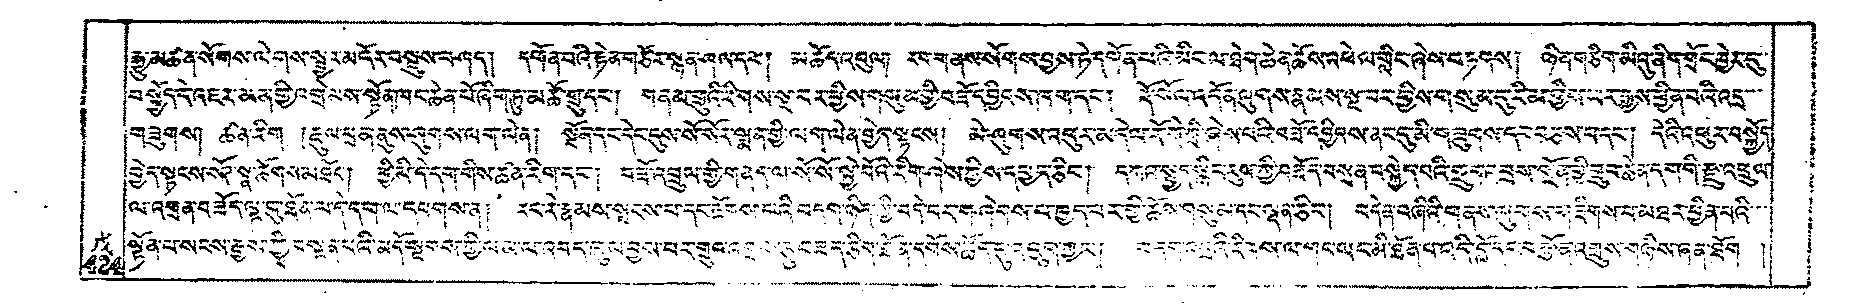རྒྱུ་མཚན་སོགས་ལེགས་སྦྱར་མདོར་བསྡུས་བཤད། དགོན་པའི་རྟེན་གཙོར་སྙན་ཤལ་དང་། མཆོད་འབུལ། རབ་གནས་སོགས་བྱས་ཏེ་དགོན་པའི་མིང་ལ་ཐེག་ཆེན་ཆོས་འཕེལ་གླིང་ཞེས་བཏགས། ཉིན་གཅིག་མིའུ་ནིག་གྲོང་ཁྱེར་དུ་
བསྐྱོད་དེ་འཇར་མན་གྱི་འགྲེམས་སྟོན་ཁང་ཆེན་པོ་ཞིག་ཏུ་མཚོ་གྲུ་དང་། གནམ་གྲུའི་རིགས་སྔ་བར་ཕྱིས་གསུམ་གྱི་བཟོ་དབྱིབས་ཁག་དང་། རྡོ་སོལ་འདོན་ལུགས་རྣམས་སྔ་བར་ཕྱིས་གསུམ་དུ་རིམ་གྱིས་ཡར་རྒྱས་ཕྱིན་པའི་འདྲ་
གཟུགས། ཚན་རིག །རྡུལ་ཕྲན་ནུས་ཤུགས་ལག་ལེན། སྔོན་དང་དེང་དུས་སོ་སོར་སྨན་གྱི་ལག་ལེན་བྱེད་སྟངས། མེ་ཤུགས་འཕུར་མདེལ་རོ་ཀེ་ཀྲི་ཞེས་པའི་བཟོ་དབྱིབས་ནང་དུ་མི་གཟུགས་དང་བཅས་པ་དང་། དེའི་འཕུར་བསྐྱོད་
བྱེད་སྟངས་སོགས་སྣ་ཚོགས་མཐོང་། ཕྱི་མི་དེ་དག་གིས་ཚན་རིག་དང་། བཟོ་འཕྲུལ་གྱི་གནད་ལ་སོ་སོ་སྐྱེ་བོའི་རིག་ཤེས་ཀྱིས་དཔྱད་ཅིང་། དཀའ་སྤྱད་སྙིང་རུས་ཀྱི་བཟོད་བསྲན་བསྐྱེད་པའི་གྲུབ་འབྲས་སྔོན་གྱི་གྲུབ་ཆེན་དག་གི་རྫུ་འཕྲུལ་
ལ་འགྲན་བཟོད་ལྟ་བུ་ཐོན་པ་དེ་དག་ལ་དཔགས་ན། རང་རེ་རྣམས་སྤངས་པ་དང་རྟོགས་པའི་བདག་ཉིད་ཀྱི་བདེ་བར་གཤེགས་པ་ཁྱད་པར་གྱི་ཆོས་གསུམ་དང་ལྡན་ཅིང་། བདེན་བཞིའི་གནས་ལུགས་གཟིགས་པ་མཐར་ཕྱིན་པའི་
སྟོན་པ་སངས་རྒྱས་ཀྱིས་བསྟན་པའི་མདོ་སྔགས་ཀྱི་ལམ་ལ་འབད་ཁུལ་བྱས་པར་གྲུབ་འབྲས་ཅུང་ཟད་ཅིག་ཐོན་དགོས་ཚོད་དུ་འདུག་ཀྱང་། བདག་འདྲའི་རིགས་ལ་གང་ཡང་མི་ཐོན་པ་འདི་བློ་དང་བརྩོན་འགྲུས་གཉིས་ཞན་ཐོག །